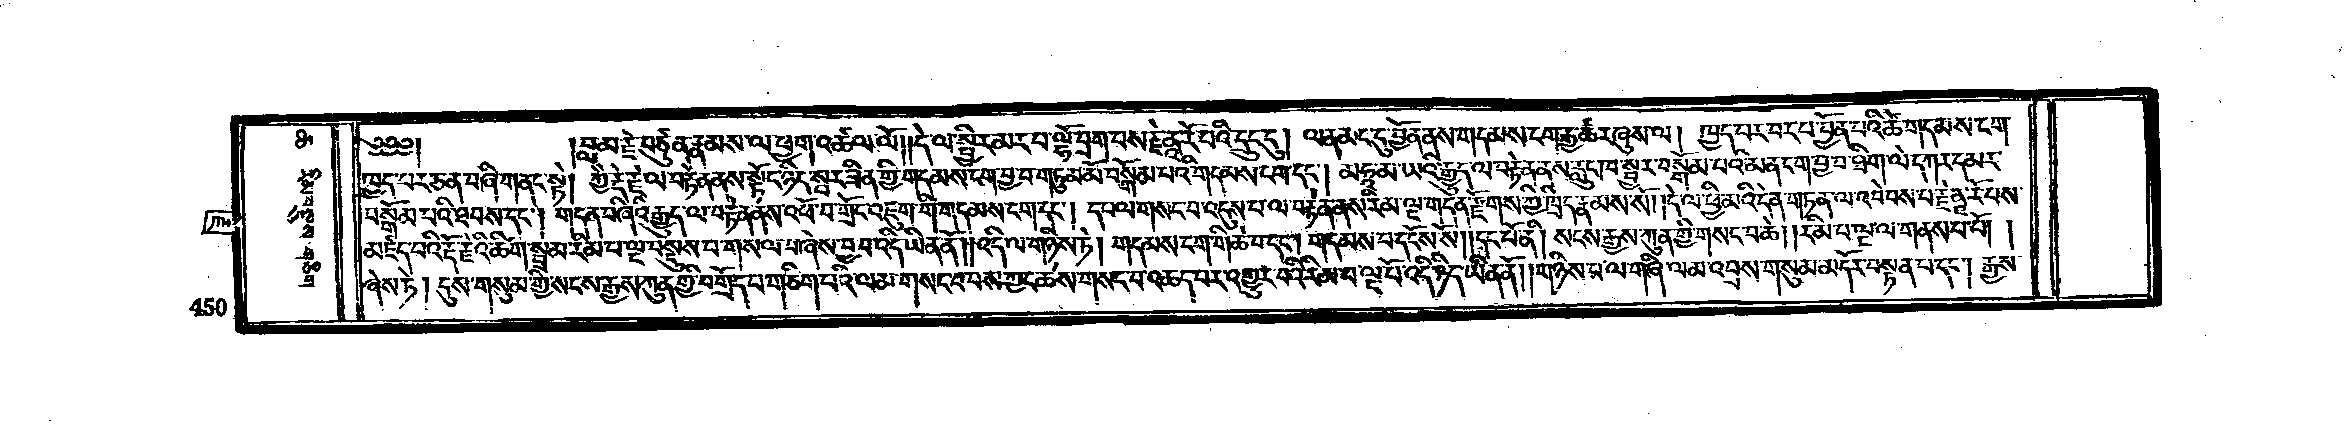༄༅༅། །བླ་མ་རྗེ་བཙུན་རྣམས་ལ་ཕྱག་འཚལ་ལོ། །དེ་ལ་སྤྱིར་མར་པ་ལྷོ་བྲག་པས་རྗེ་ནཱ་རོ་པའི་དྲུང་དུ། ལན་མང་དུ་བྱོན་ནས་གདམས་ངག་རྒྱ་ཚར་ཞུས་ལ། ཁྱད་པར་བར་པ་བྱོན་པའི་ཚེ་གདམས་ངག་
ཁྱད་པར་ཅན་བཞི་གནང་སྟེ། ཀྱེ་རྡོ་རྗེ་ལ་བརྟེན་ནས་སྟོང་ཉིད་སྤར་ཟིན་གྱི་གདམས་ངག་བྱ་བ་གཏུམ་མོ་བསྒོམ་པའི་གདམས་ངག་དང་། མཧཱ་མ་ཡའི་རྒྱུད་ལ་བརྟེན་ནས་རླུང་ཁ་སྦྱར་བསྒོམ་པའི་མན་ངག་བྱ་བ་ཐིག་ལེ་དཀར་དམར་
བསྒོམ་པའི་ཐབས་དང་། གདན་བཞིའི་རྒྱུད་ལ་བརྟེན་ནས་འཕོ་བ་གྲོང་འཇུག་གི་གདམས་ངག་དང་། དཔལ་གསང་བ་འདུས་པ་ལ་བརྟེན་ནས་རིམ་ལྔ་གདན་རྫོགས་ཀྱི་ཁྲིད་རྣམས་སོ། །དེ་ལ་ཕྱི་མའི་དེན་གཏན་ལ་འབེབས་པ་རྗེ་ནཱ་རོ་པས་
མཛད་པའི་རྡོ་རྗེའི་ཚིག་སྒྲམ་རིམ་པ་ལྔ་བསྡུས་པ་གསལ་བ་ཞེས་བྱ་བ་འདི་ཡིན་ནོ། །འདི་ལ་གཉིས་ཏེ། གདམས་ངག་གི་ཆེ་བ་དང་། གདམས་པ་དངོས་སོ། །དང་པོ་ནི། སངས་རྒྱས་ཀུན་གྱི་གསང་བ་ཆེ། །རིམ་པ་ལྔ་ལ་གནས་པ་པོ། །
ཞེས་ཏེ། དུས་གསུམ་གྱི་སངས་རྒྱས་ཀུན་གྱི་བགྲོད་པ་གཅིག་པའི་ལམ་གསང་བ་བས་ཀྱང་ཆེས་གསང་བ་འཆད་པར་འགྱུར་བའི་རིམ་པ་ལྔ་པོ་འདི་ཉིད་ཡིན་ནོ། །གཉིས་པ་ལ་གཞི་ལམ་འབྲས་གསུམ་མདོར་བསྟན་པ་དང་། རྒྱས་